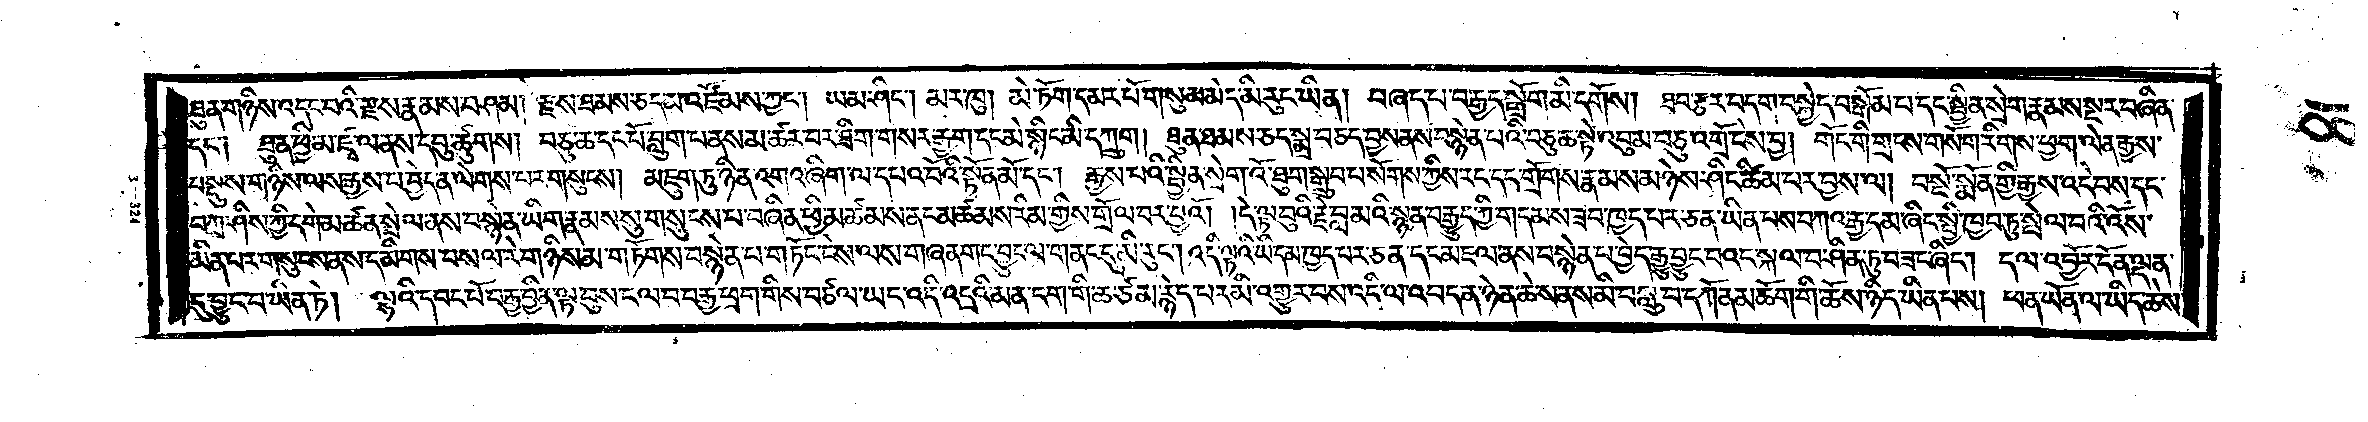ཐུན་གཉིས་འདྲང་བའི་རྫས་རྣམས་བཤམ། རྫས་ཐམས་ཅད་མ་འཛོམས་ཀྱང་། ཡམ་ཤིང་། མར་ཁུ། མེ་ཏོག་དམར་པོ་གསུམ་མེད་མི་རུང་ཡིན། བཞད་པ་བརྒྱད་སྒྲོག་མི་དགོས། ཐབ་རྩར་བདག་བསྐྱེད་བསྒོམ་པ་དང་སྦྱིན་སྲེག་རྣམས་སྔར་བཞིན་
དང་། ཐུན་ཕྱི་མ་ཛྭ་ལ་ནས་དབུ་ཚུགས། བཅུ་ཆ་དང་པོ་བླུག་པ་ནས་མཚར་བར་ཐིག་གསར་རྒྱག་དང་མེ་སྙིང་མི་དཀྲུག། ཐུན་ཐམས་ཅད་སྨྲ་བཅད་བྱས་ནས་བསྙེན་པའི་བཅུ་ཆ་སྟེ་འབུམ་བཅུ་འགྲོ་ངེས་བྱ། གོང་གི་གྲངས་གསོག་རིགས་ཕྱག་ལེན་རྒྱས་
བསྡུས་གཉིས་ལས་རྒྱས་པ་བྱེད་ན་ལེགས་པར་གསུངས། མཇུག་ཏུ་ཉིན་འགའ་ཞིག་ལ་དཔའ་བོའི་སྟོན་མོ་དང་། རྒྱས་པའི་སྦྱིན་སྲེག་འོ་ཐུག་སྒྲུབ་པ་སོགས་ཀྱིས་རང་དང་གྲོགས་རྣམས་མཉེས་ཤིང་ཚིམ་པར་བྱས་ལ། བསྔོ་སྨོན་གྱི་རྒྱས་འདེབས་དང་
བཀྲ་ཤིས་ཀྱི་དགེ་མཚན་སྤེལ་ནས་བསྙེན་ཡིག་རྣམས་སུ་གསུངས་པ་བཞིན་ཕྱི་མཚམས་ནང་མཚམས་རིམ་གྱིས་གྲོལ་བར་བྱའོ། །དེ་ལྟ་བུའི་རྗེ་བླ་མའི་སྙན་བརྒྱུད་ཀྱི་གདམས་ཟབ་ཁྱད་པར་ཅན་ཡིན་པས་བཀའ་རྒྱ་དམ་ཞིང་སྤྱི་ཁྱབ་ཏུ་སྤེལ་བའི་འོས་
མིན་པར་གསུངས་ནས་དམིགས་བསལ་རེ་གཉིས་མ་གཏོགས་བསྙེན་པ་གཏོང་ངེས་ལས་གཞན་གང་བྱུང་ལ་གནང་དུ་མི་རུང་། འདི་ལྟའི་ཡི་དམ་ཁྱད་པར་ཅན་དང་མཇལ་ནས་བསྙེན་པ་བྱེད་རྒྱུ་བྱུང་བའང་སྐལ་བ་ཤིན་ཏུ་བཟང་ཞིང་། དལ་འབྱོར་དོན་ལྡན་
དུ་བྱུང་བ་ཡིན་ཏེ། ལྷའི་དབང་པོ་བརྒྱ་བྱིན་ལྟ་བུས་ངལ་བ་བརྒྱ་ཕྲག་གིས་བཙལ་ཡང་འདི་འདྲའི་མན་ངག་གི་ཆ་ཙམ་རྙེད་པར་མི་འགྱུར་བས་འདི་ལ་འབད་ན་ཉེན་ཆེ་ས་ནས་མི་བསླུ་བ་དཀོན་མཆོག་གི་ཆོས་ཉིད་ཡིན་པས། ཕན་ཡོན་ལ་ཡིད་ཆེས་